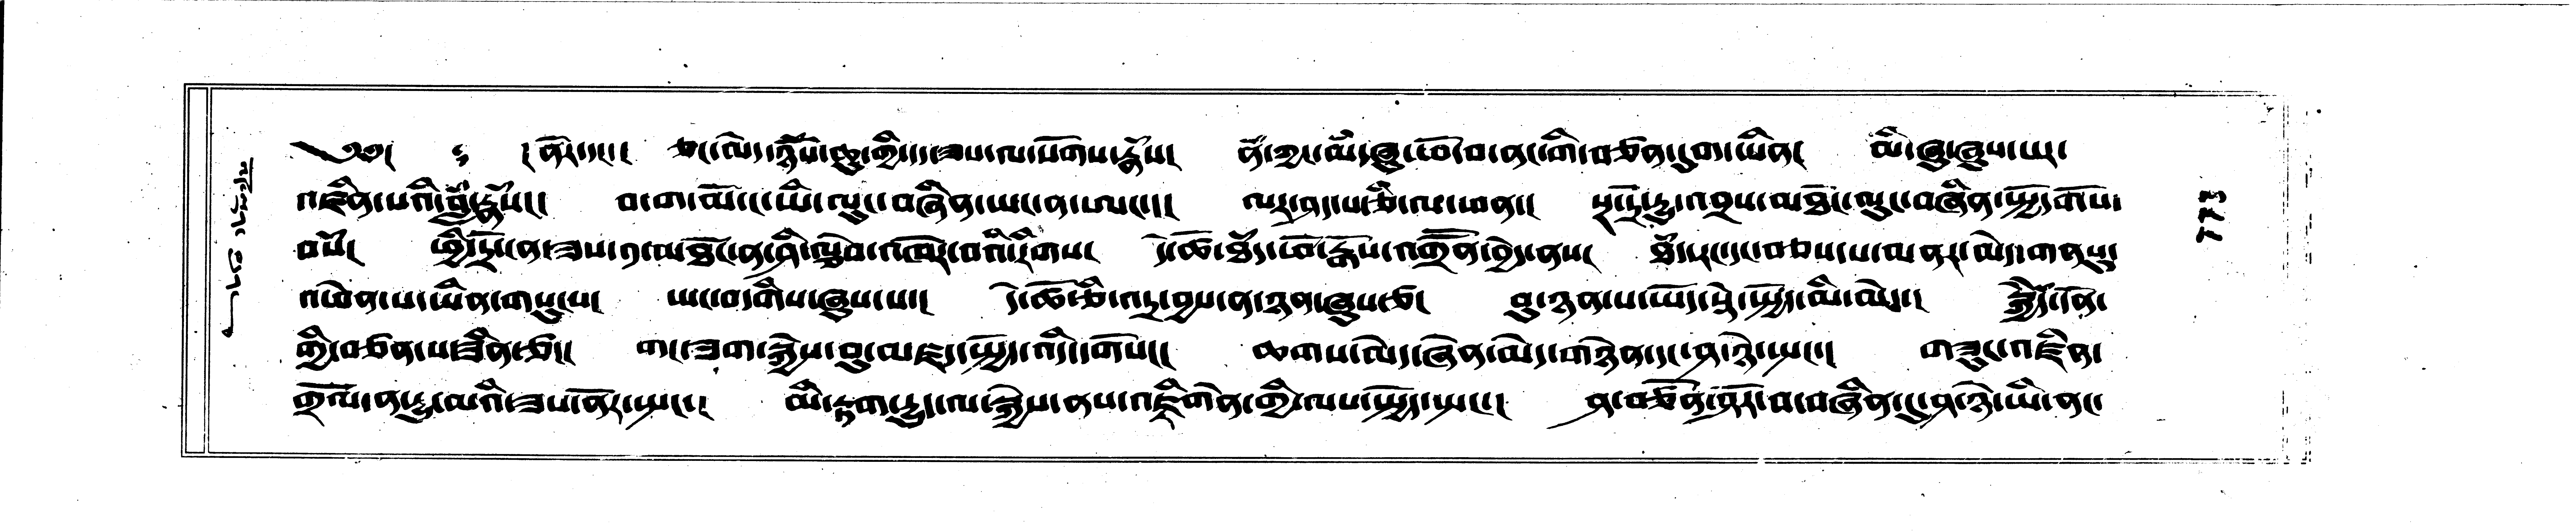ནོར་དང་། ཅང་མེད་ཉོམས་ཆུང་གྱི་དད་ཟས་ལ་སོགས་རྣམས། ནམ་ཀྱང་༼ཡང༽མི་ཞུ་ཕོ་བ་ནང་གི་བཙན་དུག་ཡིན། མི་ཞུ་ཞུ་བར་
འཛིན་པའི་བླ་མ་རྣམས། བདག་མོ་ང་ཡི་ལུང་བཞིན་སྤང་ན་ཨང་། ལར་ཤད་པ་ཅི་ལ་ཕན། སྔ་དྲོ་རྒྱུ་འབྲས་མཐོང་ནས་ལུང་བཞིན་སྤྱོད་དགོས་
བསམ། ཕྱི་དྲོ་ངན་ཟས་ཅིག་མཐོང་ན་ཤི་ལྕེབ་འཁོར་བའི་རིགས། དེ་ཚོ་ཐམས་ཅད་ཕོ་རྒོད་འགྲོ་དོན་བྱེད་ནས། ཐམས་ཅད་རང་དང་བཅད་པ་མནར་མེད་གནས་སུ་
འཕེན་པ་ཡིན་གསུངས། ཡང་བདག་གིས་ཞུས་པ། དེ་ཚོ་ཅི་འདྲ་བྱས་ན་ཉན་ཞུས་ཙ། བུ་ཉན་པ་ཡོད་དེ་སྤྱོད་མི་མེད། སྐྱེ་མེད་དོན་
གྱི་བཙན་ས་‘མ’ཟིན་ཙ་‘ཚེ’། གང་ཟག་སྐྱེས་བུའི་མཛད་སྤྱོད་འདི་‘འདྲ’དགོས། ཆགས་མེད་ཞེན་མེད་གཉེན་དང་ཤ་ཉེ་སྤངས་། གཟུང་འཛིན་
གྲོལ་ན་སྒྱུ་མའི་ཟས་ནོར་སྤངས་། མི་རྟག་རྒྱུད་ལ་སྐྱེས་ན་འཇིག་རྟེན་གྱི་ལས་སྤྱོད་སྤངས། ཤ་བཙོན་ཤོར་བ་བཞིན་དུ་ཤ་ཉེ་ཡི་ནང་